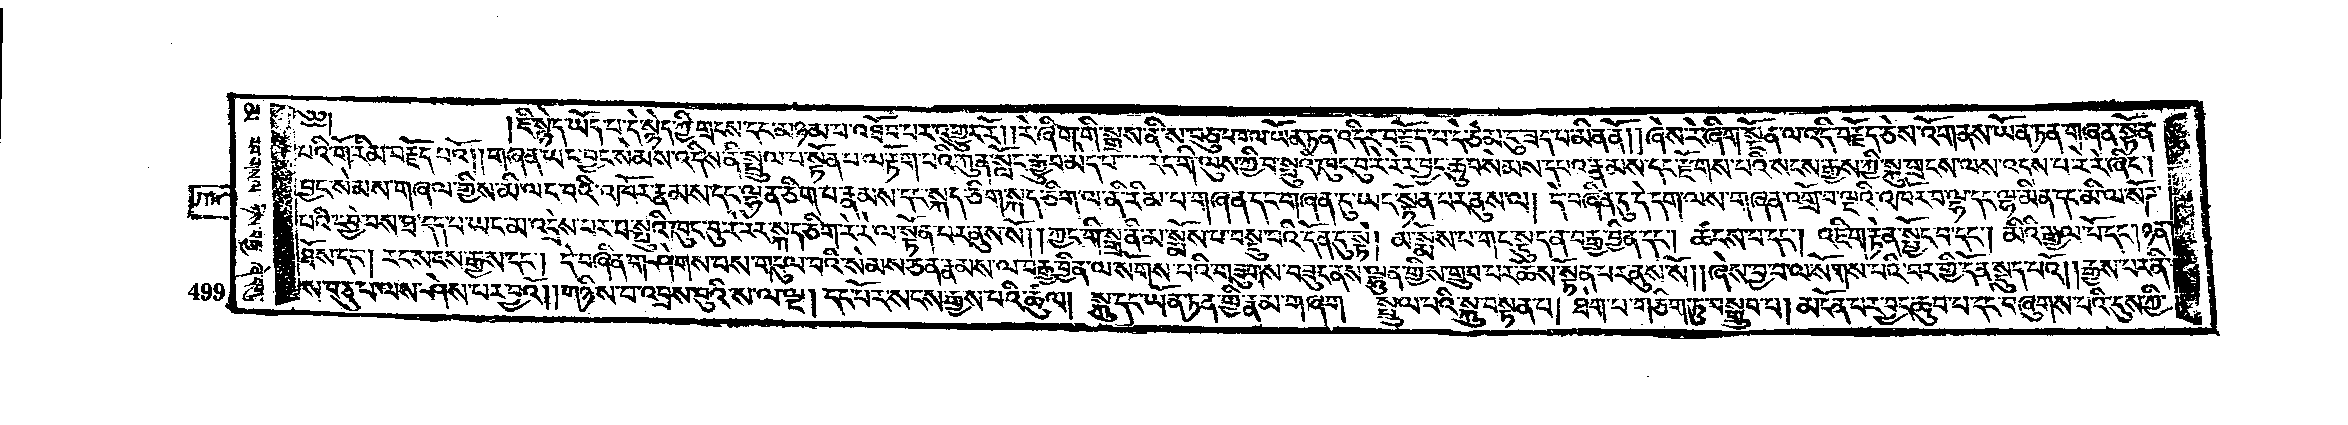༄༅། །ཇི་སྙེད་ཡོད་པ་དེ་སྙེད་ཀྱི་གྲངས་དང་མཉམ་པ་འཐོབ་པར་འགྱུར་རོ། །རེ་ཞིག་གི་སྒྲས་ནི་ས་བཅུ་པ་བ་ལ་ཡོན་ཏན་འདིར་བརྗོད་པ་དེ་ཙམ་དུ་ཟད་པ་མིན་ནོ། །ཞེས་རེ་ཞིག་སྔོན་ལ་འདི་བརྗོད་ཅེས་འོག་ནས་ཡོན་ཏན་གཞན་སྟོན་
པའི་གོ་རིམ་བརྗོད་པའོ། །གཞན་ཡང་བྱང་སེམས་འདིས་ནི་སྤྲུལ་པ་སྟོན་པ་ལ་རྟོག་པའི་ཀུན་སློང་རྒྱུ་བ་མེད་པ་རང་གི་ལུས་ཀྱི་བ་སྤུའི་ཁུང་བུ་རེ་རེར་བྱང་ཆུབ་སེམས་དཔའ་རྣམས་དང་རྫོགས་པའི་སངས་རྒྱས་ཀྱི་སྐུ་གྲངས་ལས་འདས་པ་རེ་རེ་ཞིང་།
བྱང་སེམས་གཞལ་གྱིས་མི་ལང་བའི་འཁོར་རྣམས་དང་ལྷན་ཅིག་པ་རྣམས་དང་སྐད་ཅིག་སྐད་ཅིག་ལ་ནི་རིམ་པ་གཞན་དང་གཞན་དུ་ཡང་སྟོན་པར་ནུས་ལ། དེ་བཞིན་དུ་དེ་དག་ལས་གཞན་འགྲོ་བ་ལྔའི་འཁོར་བ་ལྷ་དང་ལྷ་མིན་དང་མི་ལ་སོགས་
པའི་དབྱེ་བས་ཐ་དད་པ་ཡང་མ་འདྲེས་པར་བ་སྤུའི་ཁུང་བུ་རེ་རེར་སྐད་ཅིག་རེ་རེ་ལ་སྟོན་པར་ནུས་སོ། །ཀྱང་གི་སྒྲ་ནི་མ་སྨོས་པ་བསྡུ་པའི་དོན་དུ་སྟེ། མ་སྨོས་པ་གང་སྡུད་ན་བརྒྱ་བྱིན་དང་། ཚངས་པ་དང་། འཇིག་རྟེན་སྐྱོང་བ་དང་། མིའི་རྒྱལ་པོ་དང་། ཉན་
ཐོས་དང་། རང་སངས་རྒྱས་དང་། དེ་བཞིན་གཤེགས་པས་གདུལ་བའི་སེམས་ཅན་རྣམས་ལ་བརྒྱ་བྱིན་ལ་སོགས་པའི་གཟུགས་བཟུང་ནས་ལྷུན་གྱིས་གྲུབ་པར་ཆོས་སྟོན་པར་ནུས་སོ། །ཞེས་བྱ་བ་ལ་སོགས་པའི་བར་གྱི་དོན་སྡུད་པའོ། །རྒྱས་པར་ནི་
ས་བཅུ་པ་ལས་ཤེས་པར་བྱའོ། །གཉིས་པ་འབྲས་བུའི་ས་ལ་ལྔ། དང་པོར་སངས་རྒྱས་པའི་ཚུལ། སྐུ་དང་ཡོན་ཏན་གྱི་རྣམ་གཞག །སྤྲུལ་པའི་སྐུ་བསྟན་པ། ཐེག་པ་གཅིག་ཏུ་བསྒྲུབ་པ། མངོན་པར་བྱང་ཆུབ་པ་དང་བཞུགས་པའི་དུས་ཀྱི་